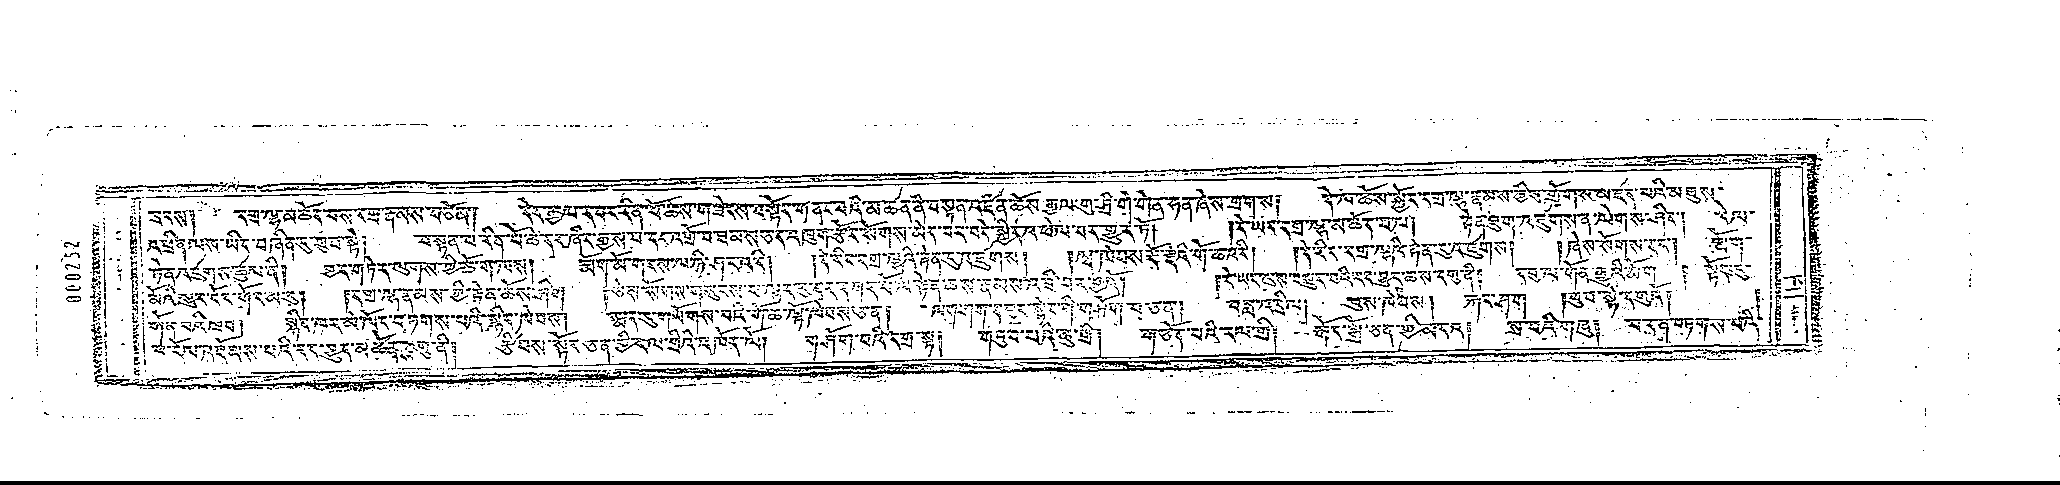དྲངས། དགྲ་ལྷ་མཆོད་བས་དགྲ་རྣམས་བཅོམ། དེར་རྒྱལ་དབང་རིན་པོ་ཆེས་གཟེངས་བསྟོད་གནང་བའི་མཚན་ནི་བསྟན་འཛིན་ཆོས་རྒྱལ་གུ་ཤྲི་གེ་གེན་ཏན་ཞེས་གྲགས། དེ་ལ་ཆོས་སྐྱོང་དགྲ་ལྷ་རྣམས་ཀྱིས་གྲོགས་མཛད་པའི་མཐུས་
འཕྲིན་ལས་ཡིད་བཞིན་དུ་གྲུབ་སྟེ། བསྟན་པ་རིན་པོ་ཆེ་དར་ཞིང་རྒྱས་པ་དང་འགྲོ་བ་ཐམས་ཅད་འཁྲུག་རྩོད་སོགས་མེད་བར་བདེ་སྐྱིད་འཕེལ་བར་གྱུར་ཏོ། །དེ་ཡང་དགྲ་ལྷ་མཆོད་པ་ལ། རྟེན་ཐུག་འཛུགས་ན་ལེགས་ཤིང་། དེ་ལ་
རྟེན་འཛུགས་ཚུལ་ནི། བྱད་གཏེར་ལུགས་ཀྱི་ཆོ་ག་ལས། རྨོག་མོ་གདས་ལ་ཉི་ཤར་འདི། །དེ་རིང་དགྲ་ལྷའི་རྟེན་དུ་འཛུགས། །ལྦ་ཁེབས་རྡོ་རྗེའི་གོ་ཆ་འདི། །དེ་རིང་དགྲ་ལྷའི་རྟེན་དུ་འཛུགས། །ཞེས་སོགས་དང་། རྨོག་
མོའི་ཁྱུང་དོར་གོང་མ་རུ། །དགྲ་ལྷ་རྣམས་ཀྱི་རྟེན་ཆོས་ཤིག །ཅེས་སོགས་གསུངས་པ་ལྟར་རུ་དར་དཀར་པོ་ལ་རྟེན་ཆས་རྣམས་འབྲི་བར་བྱའོ། །དེ་ཡང་ལུས་བསྲུང་བའི་རང་བྱུང་ཆས་དགུ་ནི། དབུ་ལ་གོན་རྒྱའི་རྨོག །སྟོད་དུ་
གོན་པའི་ཁྲབ། སྙིང་ཁར་མེ་ལོང་བཏགས་པའི་སྙིང་ཁེབས། སྨད་དུ་གཡོགས་པའི་གོ་ཆ་ལྟོ་ཁེབས་ཅན། ལག་ཤག་དབུད་སྟེང་གི་གཤོག་པ་ཅན། བརླ་འདྲིལ། བུས་ཁེབས། རྐང་ཤག །ཕུབ་སྟེ་དགུའོ། །
ཕ་རོལ་འཇོམས་པའི་རང་བྱུང་མཚོན་དགུ་ནི། རྩིབས་སྟོད་ཅན་གྱི་རལ་གྲིའི་འཁོར་ལོ། གཤོག་པའི་དགྲ་སྟ། གཏུབ་པའི་ཆུ་གྲི། གཅོད་པའི་རལ་གྲི། རྒོད་སྒྲོ་ཅན་གྱི་མདའ། སྲ་བའི་གཞུ། བ་དན་བཏགས་པའི་